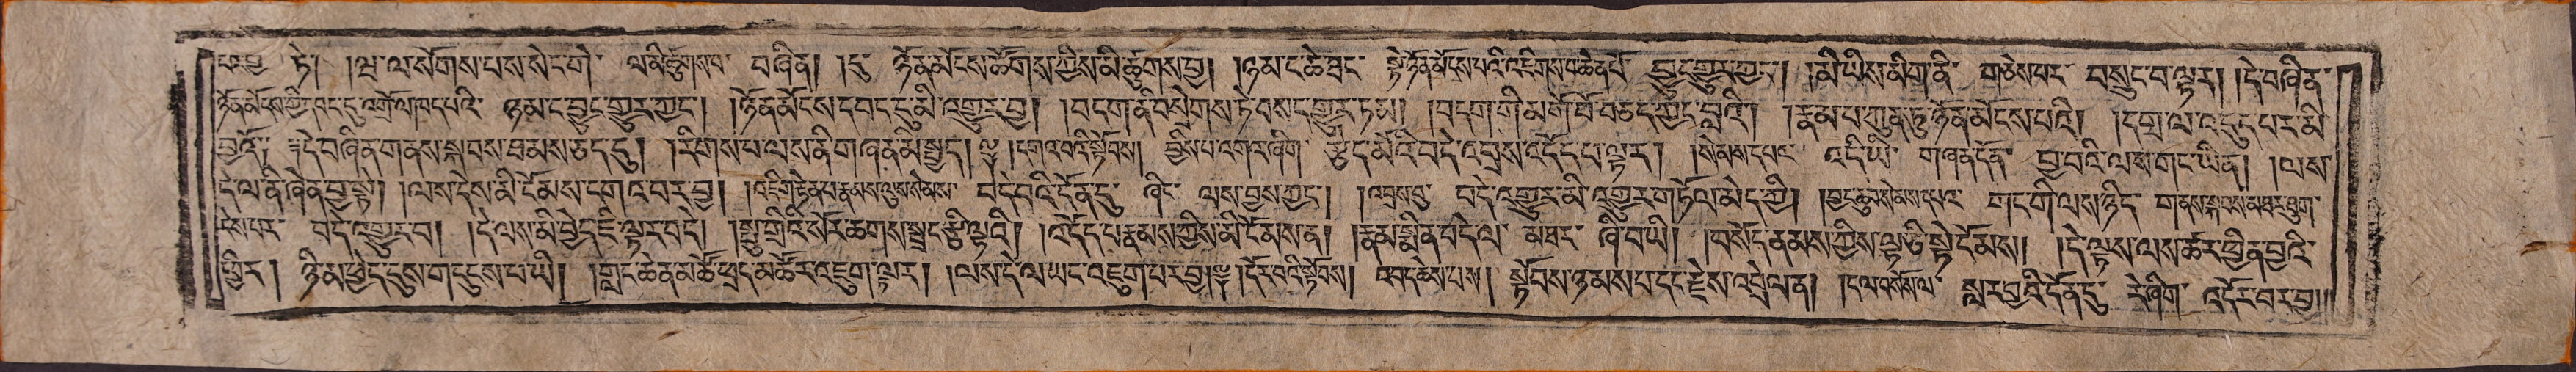པར་བྱ་ཏེ། །ཝ་ལ་སོགས་པས་སེང་གེ་ལ་མི་ཚུགས་པ་བཞིན། །དུ་ཉོན་མོངས་ཚོགས་ཀྱིས་མི་ཚུགས་བྱ། །ཉམ་ད་ཆེ་ཐང་སྟེ་ཉོན་མོངས་པའི་འཇིགས་པ་ཆེན་པོའི་བྱུང་གྱུར་ཀྱང་། །མི་ཡིས་མིག་ནི་གཅེས་པར་བསྲུང་བ་ལྟར། །དེ་བཞིན་
ཉོན་མོངས་ཀྱི་དབང་དུ་འགྲོ་ལ་ཁྱད་པའི་ཉམ་ང་བྱུང་གྱུར་ཀྱང་། །ཉོན་མོངས་དབང་དུ་མི་འགྱུར་བྱ། །བདག་ནི་བསྲེགས་ཏེ་བསད་གྱུར་ཏམ། །བདག་གི་མགོ་བོ་བཅད་ཀྱང་བྱའི། །རྣམ་པ་ཀུན་ཏུ་ཉོན་མོངས་པའི། །དགྲ་ལ་འདུད་པར་མི་
བྱའོ༑ ༑དེ་བཞིན་གནས་སྐབས་ཐམས་ཅད་དུ། །རིགས་པ་ལས་ནི་གཞན་མི་སྤྱད། ༈ །དགའ་བའི་སྟོབས། བྱིས་པ་འགའ་ཞིག་རྩེད་མོའི་བདེ་འབྲས་འདོད་པ་ལྟར། །སེམས་དཔའ་འདི་ཡི་གཞན་དོན་བྱ་བའི་ལས་གང་ཡིན། །ལས་
དེ་ལ་ནི་ཞེན་བྱ་སྟེ། །ལས་དེ་མི་ངོམས་དགའ་བར་བྱ། །འཇིག་རྟེན་པ་རྣམས་ལུས་སེམས་བདེ་བའི་དོན་དུ་ཞིང་ལས་བྱས་ཀྱང་། །འབྲས་བུ་བདེ་འགྱུར་མི་འགྱུར་གཏོལ་མེད་ཀྱི། །བྱང་ཆུབ་སེམས་དཔའ་གང་གི་ལས་ཉིད་གནས་སྐབས་མཐར་ཐུག་
ངེས་པར་བདེ་འགྱུར་བ། །དེ་ལས་མི་བྱེད་ཇི་ལྟར་བདེ། །སྦུ་གྲའི་སོར་ཆགས་སྦྲང་རྩི་ལྟའི། །འདོད་པ་རྣམས་ཀྱིས་མི་ངོམས་ན། །རྣམ་སྨིན་བདེ་ལ་མཐར་ཞི་པ་ཡི། །བསོད་རྣམས་ཀྱིས་ལྟ་ཅི་སྟེ་ངོམས། །དེ་ལྟས་ལས་ཚར་ཕྱིན་བྱའི་
ཕྱིར༑ ༑ཉི་མ་ཕྱེད་དུས་གདུངས་པ་ཡི། །གླང་ཆེན་མཚོ་ཕྲད་མཚོར་འཇུག་ལྟར། །ལས་དེ་ལ་ཡང་འཇུག་པར་བྱ། ༈ །དོར་པའི་སྟོབས། འབད་ཆེས་པས་སྟོབས་ཉམས་པ་དང་རྗེས་འབྲེལ་ན། །ངལ་བསོས་ལ་སླར་བྱའི་དོན་དུ་རེ་ཞིག་འདོར་བར་བྱ། །